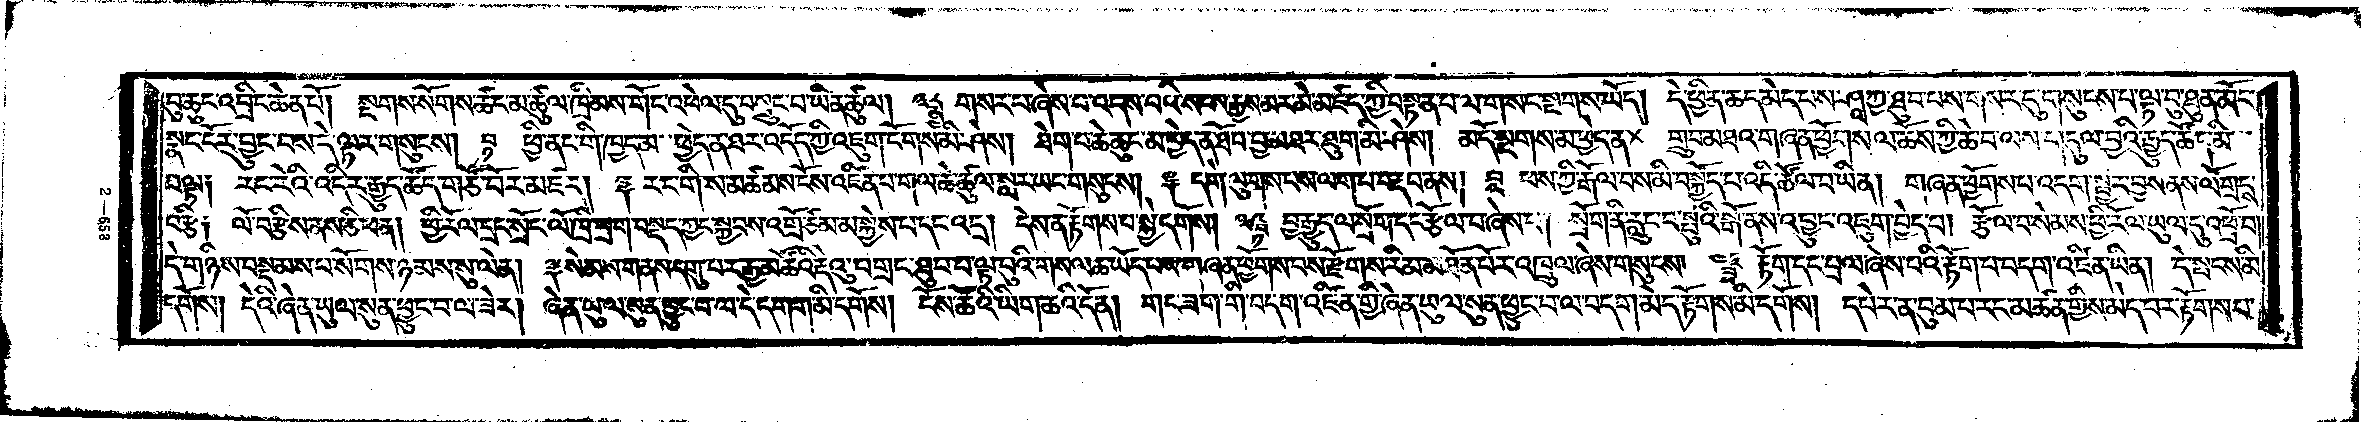བུ་ཆུང་འབྲིང་ཆེན་པོ། སྔགས་སོགས་ཚང་མ་ཚུལ་ཁྲིམས་གོང་འཕེལ་དུ་བསྲུང་བ་ཡིན་ཚུལ། ༣༨ན༤་གསར་པ་ཞེས་པ་འདས་པའི་སངས་རྒྱས་མར་མེ་མཛད་ཀྱི་བསྟན་པ་ལ་གསང་སྔགས་ཡོད། དེ་ཕྱི་ན་ཆད་མེད་པས་ཤཱཀྱ་ཐུབ་པས་གསར་དུ་གསུངས་པ་ལྟ་བུ་ཐུན་མོང་
སྣང་ངོར་བྱུང་བས་དེ་ལྟར་གསུངས། བ༡་ཕྱི་ནང་གི་ཁྱད་མ་ཕྱེད་ན་ཐར་འདོད་ཀྱི་འཇུག་དོགས་མི་ཤེས། ཐེག་པ་ཆེ་ཆུང་མ་བྱེད་ན་ཐོབ་བྱ་མཐར་ཐུག་མི་ཤེས། མདོ་སྔགས་མ་ཕྱེད་ན་྾་གྲུབ་མཐའ་གཞན་ཕྱོགས་ལ་ཆོས་ཀྱི་ཆེ་བ་ལས་གདུལ་བྱའི་རྒྱུད་ཚོད་མི་
བལྟ༑ རང་རེའི་འདིར་རྒྱུད་ཚོད་གཙོ་བོར་མཛད། ༈ རང་གིས་མཚམས་ངོས་འཛིན་པ་གལ་ཆེ་ཚུལ་སླར་ཡང་གསུངས། ༈ དགེ་ལུགས་པས་ལག་པ་བརྡབ་ནས། བ༢་ཕས་ཀྱི་རྒོལ་པས་མི་བསྐྱོད་པ་འདི་ཚོལ་བ་ཡིན། གཞན་ཕྱོགས་པ་འདག་སྦྱར་བྱས་ནས་ལོ་གྲངས་
བརྩི༑ ལོ་བརྩིས་ནས་ཅི་ཕན། ཕྱི་རོལ་དྲང་སྲོང་ལོ་ཁྲི་ཕྲག་བསྡད་ཀྱང་སྐྱབས་འགྲོ་ཙམ་མ་སྐྱེས་པ་དང་འདྲ། དེས་ན་རྟོགས་པ་སྐྱེ་དགོས། ༣༩བ༡་བྱ་རྒྱུད་ལ་སྲོག་དང་རྩོལ་བ་ཞེས་པ། སྲོག་ནི་རླུང་བ་སྤྲུའི་སྒོ་ནས་འབྱུང་འཇུག་བྱེད་པ། རྩོལ་བ་སེམས་ཕྱི་རོལ་ཡུལ་དུ་འཕྲོ་བ།
དེ་གཉིས་བསྡམས་པ་སོགས་ཉམས་སུ་ལེན། ༈ སེམས་གནས་དགུ་པར་རྒྱ་མཚོའི་རྡེའུ་བགྲང་ཐུབ་པ་ལྟ་བུའི་གསལ་ཆ་ཡོད་པས་གཞན་ཕྱོགས་པས་རྫོགས་རིམ་མཐོན་པོར་འཁྲུལ་ཞེས་གསུངས། ༤༣བ༥་རྟོག་དང་བྲལ་ཞེས་པའི་རྟོགས་པ་བདག་འཛིན་ཡིན། དེ་སྤངས་མི་
དགོས། དེའི་ཞེན་ཡུལ་སུན་ཕྱུང་བ་ལ་ཟེར། ཞེན་ཡུལ་སུན་ཕྱུང་བ་ལ་དེ་དགག་མི་དགོས། ངོས་ཚོའི་ཡིག་ཆའི་དོན། གང་ཟག་གི་བདག་འཛིན་གྱི་ཞེན་ཡུལ་སུན་ཕྱུང་པ་ལ་བདག་མེད་རྟོགས་མི་དགོས། དཔེར་ན་བུམ་པ་རང་མཚན་གྱིས་མེད་པར་རྟོགས་པ་